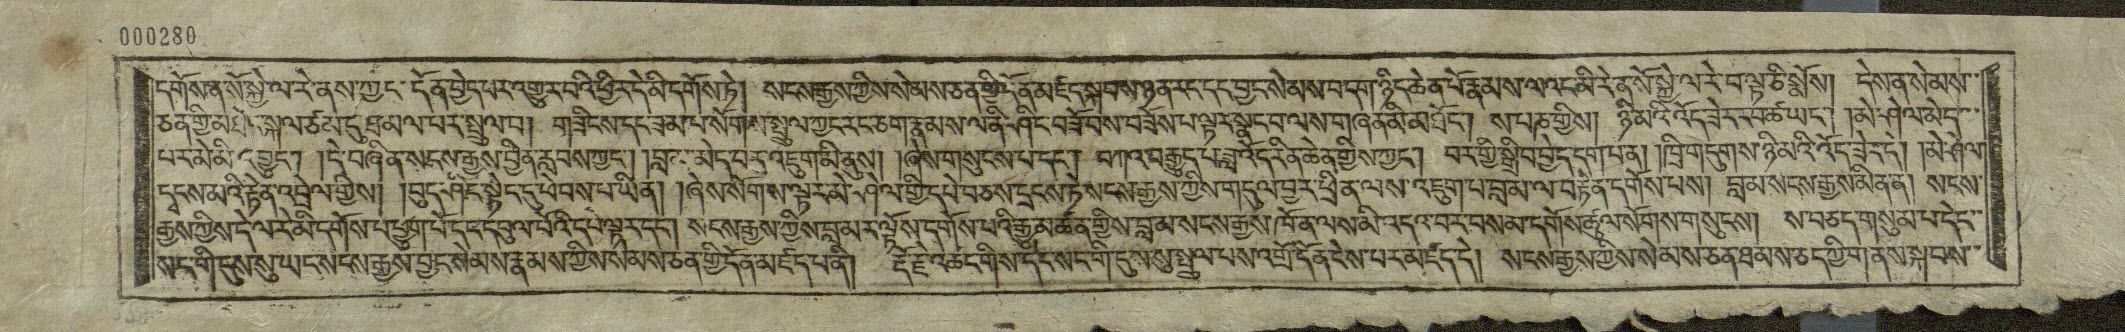དགོས་ན་སོ་སྐྱེ་ལ་རེ་ནས་ཀྱང་དོན་བྱེད་པར་འགྱུར་བའི་ཕྱིར་དེ་མི་དགོས་ཏེ། སངས་རྒྱས་ཀྱིས་སེམས་ཅན་གྱི་དོན་མཛད་སྐབས་ཉན་རང་དང་བྱང་སེམས་བདག་ཉིད་ཆེན་པོ་རྣམས་ལའང་མི་རེ་ན་སོ་སྐྱེ་ལ་རེ་བ་ལྟ་ཅི་སྨོས། དེས་ན་སེམས་
ཅན་གྱི་མཐོང་སྐལ་ཙམ་དུ་ཐ་མལ་པར་སྤྲུལ་བ། གཟིངས་དང་ཟམ་པ་སོགས་སྤྲུལ་ཀྱང་རང་ཅག་རྣམས་ལ་ནི་ཤིང་བཟོ་བས་བཟོས་པ་ལྟར་སྣང་བ་ལས་གཞན་མི་མཐོང་། ས་པཎ་གྱིས། ཉི་མའི་འོད་ཟེར་རབ་ཚ་ཡང་། །མེ་ཤེལ་མེད་
པར་མེ་མི་འབྱུང་། །དེ་བཞིན་སངས་རྒྱས་བྱིན་རླབས་ཀྱང་། །བླ་མ་མེད་པར་འཇུག་མི་ནུས། །ཞེས་གསུངས་པ་དང་། བཀའ་བརྒྱུད་པ་ཟླ་འོད་རིན་ཆེན་གྱིས་ཀྱང་། བར་གྱི་སྒྲིབ་བྱེད་དག་པ་ན། །ཁྲི་གདུགས་ཉི་མའི་འོད་ཟེར་དེ། །མེ་ཤེལ་
དྭངས་མའི་རྟེན་འབྲེལ་གྱིས། །བུད་ཤིང་སྟེང་དུ་ཕེབས་པ་ཡིན། །ཞེས་སོགས་ལྟར་མེ་ཤེལ་གྱི་དཔེ་བཅས་དྲངས་ཏེ་སངས་རྒྱས་ཀྱིས་གདུལ་བྱར་ཕྲིན་ལས་འཇུག་པ་བླ་མ་ལ་བརྟེན་དགོས་པས། བླ་མ་སངས་རྒྱས་མིན་ན། སངས་
རྒྱས་ཀྱིས་དེ་ལ་རེ་མི་དགོས་པ་ཕྱུག་པོ་དང་དབུལ་པོའི་དཔེ་ལྟར་དང་། སངས་རྒྱས་ཀྱིས་བླ་མར་ལྟོས་དགོས་པའི་རྒྱུ་མཚན་གྱིས་བླ་མ་སངས་རྒྱས་ཁོ་ན་ལས་མི་འདའ་བར་བསམ་དགོས་ཚུལ་སོགས་གསུངས། ས་བཅད་གསུམ་པ་དེང་
སང་གི་དུས་སུ་ཡང་སངས་རྒྱས་བྱང་སེམས་རྣམས་ཀྱིས་སེམས་ཅན་གྱི་དོན་མཛད་པ་ནི། རྡོ་རྗེ་འཆང་གིས་དེང་སང་གི་དུས་སུ་སྤྲུལ་པས་འགྲོ་དོན་ངེས་པར་མཛད་དེ། སངས་རྒྱས་ཀྱིས་སེམས་ཅན་ཐམས་ཅད་ཀྱི་གནས་སྐབས་